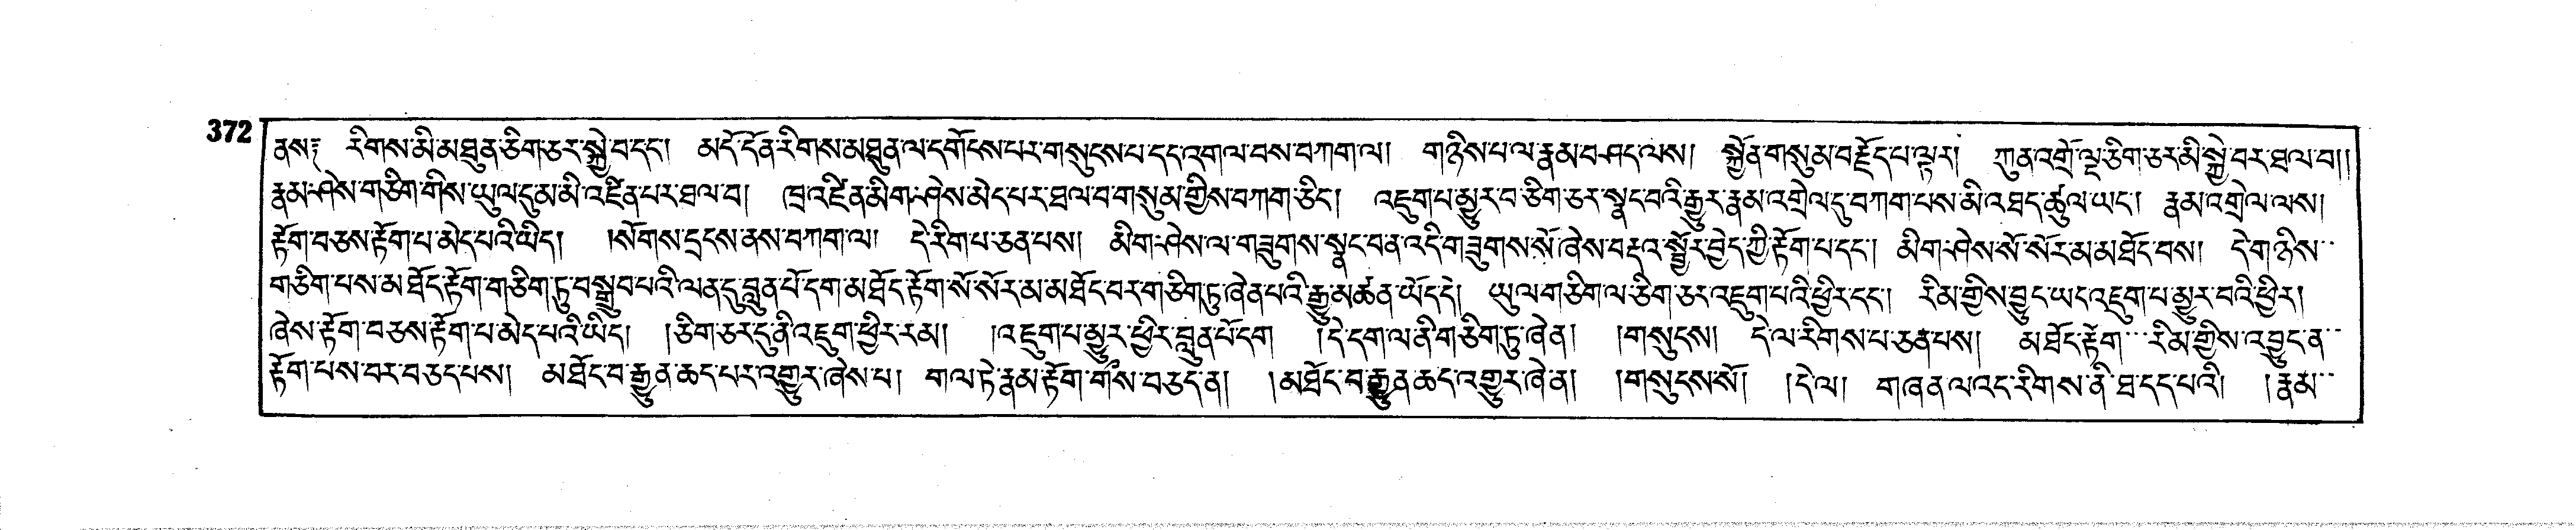ནས༑ རིགས་མི་མཐུན་ཅིག་ཅར་སྐྱེ་བ་དང་། མདོ་དོན་རིགས་མཐུན་ལ་དགོངས་པར་གསུངས་པ་དང་འགལ་བས་བཀག་ལ། གཉིས་པ་ལ་རྣམ་བཤད་ལས། སྐྱོན་གསུམ་བརྗོད་པ་ལྟར། ཀུན་འགྲོ་ལྔ་ཅིག་ཅར་མི་སྐྱེ་བར་ཐལ་བ། །
རྣམ་ཤེས་གཅིག་གིས་ཡུལ་དུ་མ་མི་འཛིན་པར་ཐལ་བ། ཁྲ་འཛིན་མིག་ཤེས་མེད་པར་ཐལ་བ་གསུམ་གྱིས་བཀག་ཅིང་། འཇུག་པ་མྱུར་བ་ཅིག་ཅར་སྣང་བའི་རྒྱུར་རྣམ་འགྲེལ་དུ་བཀག་པས་མི་འཐད་ཚུལ་ཡང་། རྣམ་འགྲེལ་ལས།
རྟོག་བཅས་རྟོག་པ་མེད་པའི་ཡིད། །སོགས་དྲངས་ནས་བཀག་ལ། དེ་རིག་པ་ཅན་པས། མིག་ཤེས་ལ་གཟུགས་སྣང་བ་ན་འདི་གཟུགས་སོ་ཞེས་བརྡའ་སྦྱོར་བྱེད་ཀྱི་རྟོག་པ་དང་། མིག་ཤེས་སོ་སོར་མ་མཐོང་བས། དེ་གཉིས་
གཅིག་པས་མཐོང་རྟོག་གཅིག་ཏུ་བསྒྲུབ་པའི་ལན་དུ་བླུན་པོ་དག་མཐོང་རྟོག་སོ་སོར་མ་མཐོང་བར་གཅིག་ཏུ་ཞེན་པའི་རྒྱུ་མཚན་ཡོད་དེ། ཡུལ་གཅིག་ལ་ཅིག་ཅར་འཇུག་པའི་ཕྱིར་དང་། རིམ་གྱིས་བྱུང་ཡང་འཇུག་པ་མྱུར་བའི་ཕྱིར།
ཞེས་རྟོག་བཅས་རྟོག་པ་མེད་པའི་ཡིད། །ཅིག་ཅར་དུ་ནི་འཇུག་ཕྱིར་རམ། །འཇུག་པ་མྱུར་ཕྱིར་བླུན་པོ་དག །དེ་དག་ལ་ནི་གཅིག་ཏུ་ཞེན། །གསུངས། དེ་ལ་རིགས་པ་ཅན་པས། མཐོང་རྟོག་རིམ་གྱིས་འབྱུང་ན་
རྟོག་པས་བར་བཅད་པས། མཐོང་བ་རྒྱུན་ཆད་པར་འགྱུར་ཞེས་པ། གལ་ཏེ་རྣམ་རྟོག་གིས་བཅད་ན། །མཐོང་བ་རྒྱུན་ཆད་འགྱུར་ཞེ་ན། །གསུངས་སོ། །དེ་ལ། གཞན་ལའང་རིགས་ནི་ཐ་དད་པའི། །རྣམ་